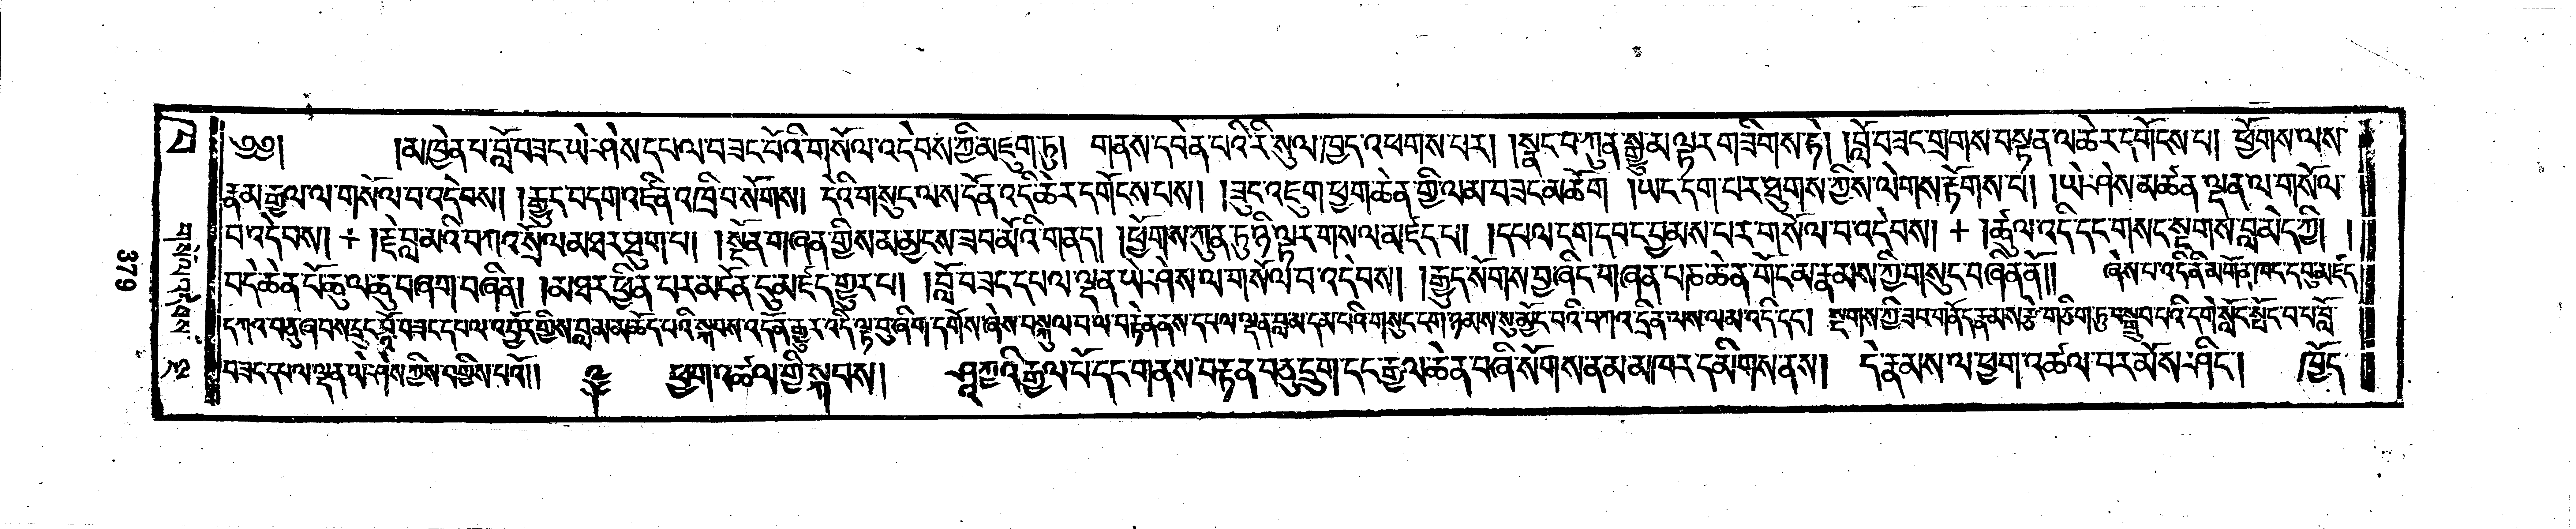༄༅། །མཁྱེན་པ་བློ་བཟང་ཡེ་ཤེས་དཔལ་བཟང་པོའི་གསོལ་འདེབས་ཀྱི་མཇུག་ཏུ། གནས་དབེན་པའི་རི་སུལ་ཁྱད་འཕགས་པར། །སྣང་བ་ཀུན་སྒྱུ་མ་ལྟར་གཟིགས་ཏེ། །བློ་བཟང་གྲགས་བསྟན་ལ་ཆེར་དགོངས་པ། ཕྱོགས་ལས་
རྣམ་རྒྱལ་ལ་གསོལ་བ་འདེབས། །རྒྱུད་བདག་འཛིན་འཁྲི་བ་སོགས། དེའི་གསུང་ལས་དོན་འདི་ཆེར་དགོངས་པས། །ཟུང་འཇུག་ཕྱག་ཆེན་གྱི་ལམ་བཟང་མཆོག །ཡང་དག་པར་ཐུགས་ཀྱིས་ལེགས་རྟོགས་པ། །ཡེ་ཤེས་མཚན་ལྡན་ལ་གསོལ་
བ་འདེབས། +་།རྗེ་བླ་མའི་བཀའ་སྲོལ་མཐར་ཐུག་པ། །སྔོན་གཞན་གྱིས་མ་མྱངས་ཟབ་མོའི་གནད། །ཕྱོགས་ཀུན་ཏུ་ཉི་ལྟར་གསལ་མཛད་པ། །དཔལ་དག་དབང་བྱམས་པར་གསོལ་བ་འདེབས། +་།ཚུལ་འདི་དང་གསང་སྔགས་བླ་མེད་ཀྱི། །
བདེ་ཆེན་པོ་ཆུ་ལ་ཆུ་བཞག་བཞིན། ། མཐར་ཕྱིན་པར་མངོན་དུ་མཛད་གྱུར་པ། །བློ་བཟང་དཔལ་ལྡན་ཡེ་ཤེས་ལ་གསོལ་བ་འདེབས། །རྒྱུད་སོགས་བྱ་ཞིང་གཞན་པཎ་ཆེན་གོང་མ་རྣམས་ཀྱི་གསུང་བཞིན་ནོ།། ཞེས་པ་འདི་ནི་མགོན་ཁང་དབུ་མཛད་
དཀའ་བཅུ་ཞབས་དྲུང་བློ་བཟང་དཔལ་འབྱོར་གྱིས་བླ་མ་མཆོད་པའི་སྐབས་འདོན་རྒྱུར་འདི་ལྟ་བུ་ཞིག་དགོས་ཞེས་བསྐུལ་བ་ལ་བརྟེན་ནས་དཔལ་ལྡན་བླ་མ་དམ་པའི་གསུང་ངག་ཉམས་སུ་མྱོང་བའི་བཀའ་དྲིན་ལས་ལམ་འདི་དང་། སྔགས་ཀྱི་ཟབ་གནོད་རྣམས་རྩེ་གཅིག་ཏུ་བསྒྲུབ་པའི་དགེ་སློང་སྤོང་བ་པ་བློ་
བཟང་དཔལ་ལྡན་ཡེ་ཤེས་ཀྱིས་བགྱིས་པའོ།། ༈ ཕྱག་འཚལ་གྱི་སྐབས། ཤཱཀྱའི་རྒྱལ་པོ་དང་གནས་བརྟན་བཅུ་དྲུག་དང་རྒྱལ་ཆེན་བཞི་སོགས་ནམ་མཁར་དམིགས་ནས། དེ་རྣམས་ལ་ཕྱག་འཚལ་བར་མོས་ཤིང་། ཁྱོད་